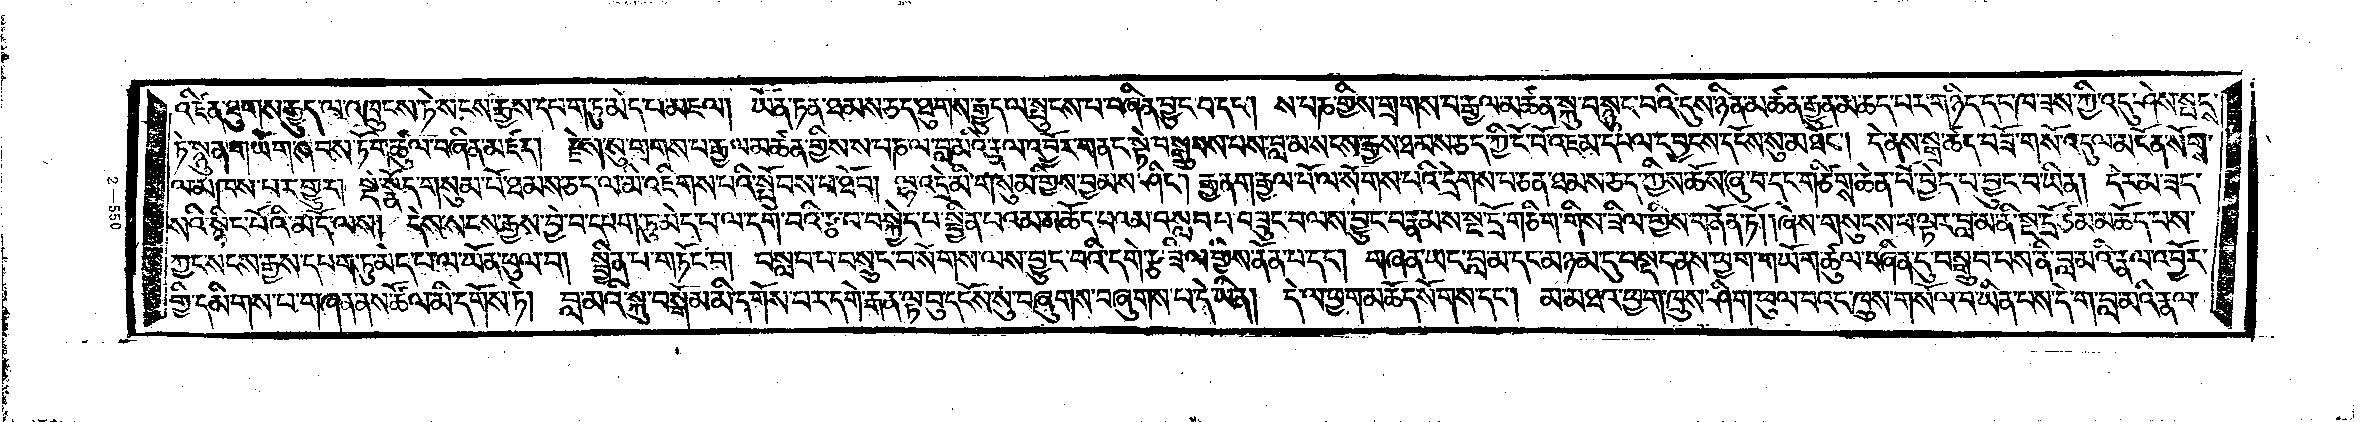འཛིན་ཐུགས་རྒྱུད་ལ་འཁྲུངས་ཏེ་སངས་རྒྱས་དཔག་ཏུ་མེད་པ་མཇལ། ཡོན་ཏན་ཐམས་ཅད་ཐུགས་རྒྱུད་ལ་སྤུངས་པ་བཞིན་བྱུང་བ་དང་། ས་པཎ་གྱིས་གྲགས་པ་རྒྱལ་མཚན་སྐུ་བསྙུང་བའི་དུས་ཉིན་མཚན་རྒྱུན་མ་ཆད་པར་གཉིད་དང་ཁ་ཟས་ཀྱི་འདུ་ཤེས་སྤངས་
ཏེ་སྙུན་གཡོག་ཞབས་ཏོག་ཚུལ་བཞིན་མཛད། རྗེས་སུ་གྲགས་པ་རྒྱལ་མཚན་གྱིས་ས་པཎ་ལ་བླ་མའི་རྣལ་འབྱོར་གནང་སྟེ་བསྒྲུབས་པས་བླ་མ་སངས་རྒྱས་ཐམས་ཅད་ཀྱི་ངོ་བོ་འཇམ་དཔལ་དབྱངས་དངོས་སུ་མཐོང་། དེ་ནས་སྒྲ་ཚད་བཟོ་གསོ་འདུལ་མངོན་སོགས་
ལ་མཁས་པར་གྱུར། སྡེ་སྣོད་གསུམ་པོ་ཐམས་ཅད་ལ་མི་འཇིགས་པའི་སྤོབས་པ་ཐོབ། ལྷ་འདྲེ་མི་གསུམ་གྱིས་བྱམས་ཤིང་། རྒྱ་ནག་རྒྱལ་པོ་ལ་སོགས་པའི་དྲེགས་པ་ཅན་ཐམས་ཅད་ཀྱིས་ཆོས་ཞུ་བ་དང་གཙིགས་ཆེན་པོ་བྱེད་པ་བྱུང་བ་ཡིན། དེར་མ་ཟད་
སའི་སྙིང་པོའི་མདོ་ལས། དེས་སངས་རྒྱས་བྱེ་བ་དཔག་ཏུ་མེད་པ་ལ་དགེ་བའི་རྩ་བ་བསྐྱེད་པ་སྦྱིན་པའམ་མཆོད་པའམ་བསླབ་པ་བཟུང་བ་ལས་བྱུང་བ་རྣམས་སྔ་དྲོ་གཅིག་གིས་ཟིལ་གྱིས་གནོན་ཏོ། །ཞེས་གསུངས་པ་ལྟར་བླ་མ་ནི་སྔ་དྲོ་ཙམ་མཆོད་པས་
ཀྱང་སངས་རྒྱས་དཔག་ཏུ་མེད་པ་ལ་ཡོན་ཕུལ་བ། སྦྱིན་པ་གཏོང་བ། བསླབ་པ་བསྲུང་བ་སོགས་ལས་བྱུང་བའི་དགེ་རྩ་ཟིལ་གྱིས་ནོན་པ་དང་། གཞན་ཡང་བླ་མ་དང་མཉམ་དུ་བསྡད་ནས་ཕྱག་གཡོག་ཚུལ་བཞིན་དུ་བསྒྲུབ་པས་ནི་བླ་མའི་རྣལ་འབྱོར་
གྱི་དམིགས་པ་གཞན་ནས་ཚོལ་མི་དགོས་ཏེ། བླ་མའི་སྐུ་བསྒོམ་མི་དགོས་པར་དགེ་རྒན་ལྟ་བུ་དངོས་སུ་བཞུགས་བཞུགས་པ་དེ་ཡིན། དེ་ལ་ཕྱག་མཆོད་སོགས་དང་། མ་མཐའ་ཕྱག་ཁྲུས་ཤིག་ཕུལ་བའང་ཁྲུས་གསོལ་བ་ཡིན་པས་དེ་ག་བླ་མའི་རྣམ་